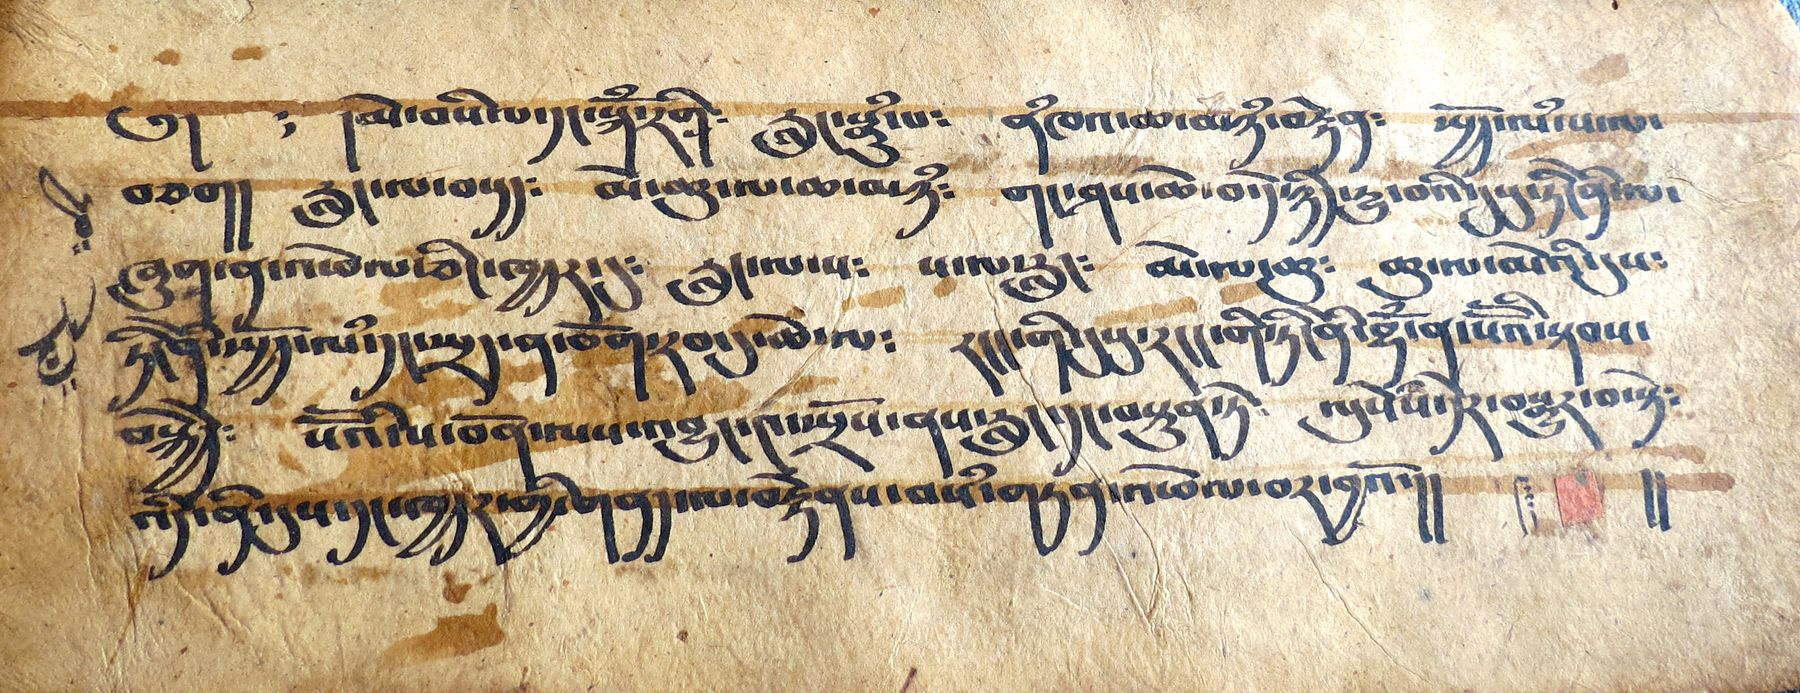མེ་བསིལ་དང་སྐོམ་རིགས། རླུང་སྣུམ་པ། ནམ་མཁའ་ཆ་མཉམ་བརྟེན། སྤྱོད་ལམ་ས་ལ་
བཅག། རླུང་ལ་སྡད། མེ་ཆུ་ལ་ཆ་མཉམ། གང་ཤས་ཆེ་བ་དེ་ཉིད་རྒྱུ་བའི་དུས་སུ་ཏིང་ནི་ལ
གཞུགས་ན་འཕེལ་ཅིང་ཁྱད་པར་དུ། རླུང་ལ་ས། ས་ལ་རླུང་། མེ་ལ་ཆུ། ཆུ་ལ་མེའི་དུས་
ཏིང་ངེ་འཛིན་སྤྱོད་ལམ་དང་སྤྱད་ན་བོགས་རབ་ཏུ་ཆེ་ལ། རང་གི་དུས་སུ་རང་རང་ཏིང་ངེ་འཛིན་ནི་བསྒོམ་ན་སྟོབས་
བསྐྱེད། སོ་སོའི་ས་བོན་ལས་འབྱུང་གཞི་སྤྲོས་ནས་རླུང་དང་བསྟུན་ཏེ། ལུས་སེམས་དེར་བསྒྱུར་བ་སྟེ། 
འདི་ནི་ཁྱད་པར་གྱི་གནད་ལ་བརྟེན་ནས་བསམ་གཏན་འཕེལ་བར་བྱ་བའོ། །